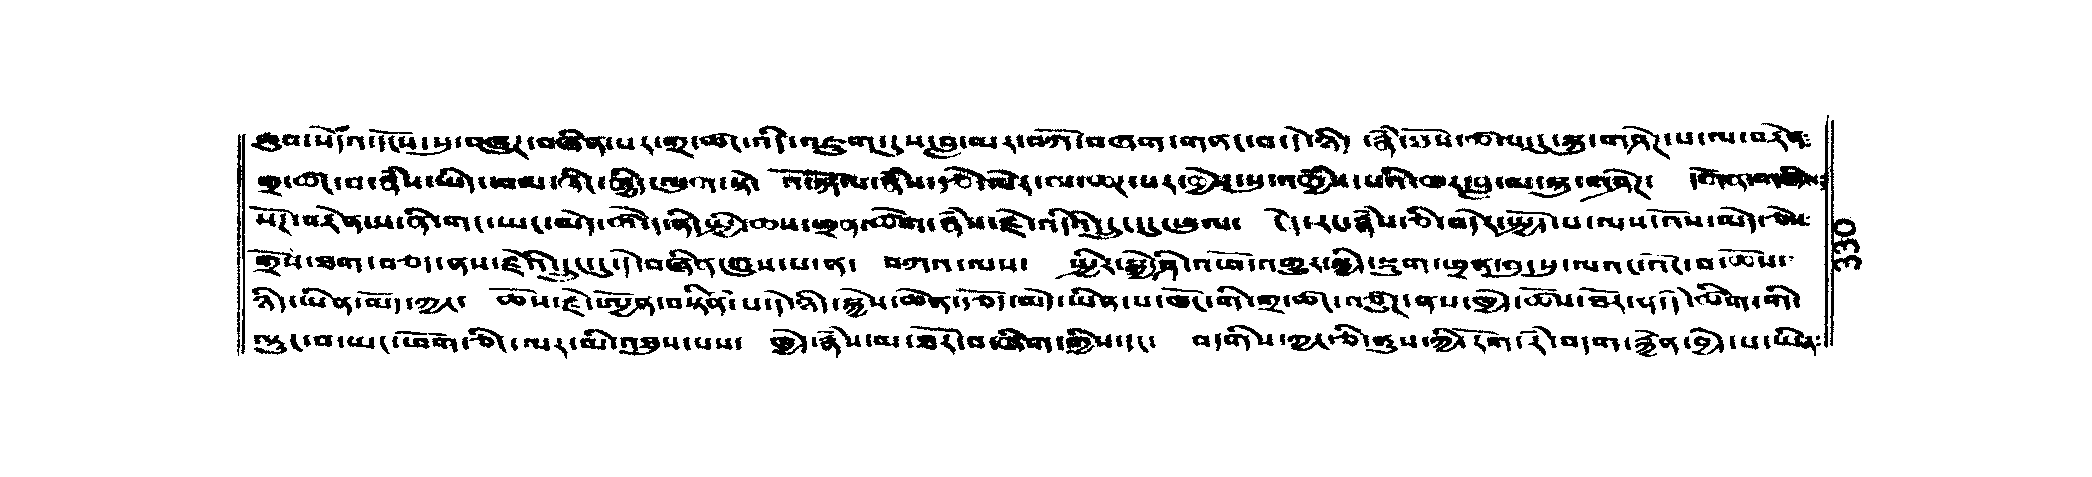ཆུབ་སེམས་དཔའ་དངོས་སུ་བཞུགས་བཞིན་པར་གྲྭ་ཚང་འདི་འཛུུགས་དུས་བླ་མར་བཀོ་བཞག་གནང་བ་དེ་ཉིད་རྣམ་ཐོས་ཚལ་དུ་སྐུ་གཤེགས་པ་ལ་བརྟེན་
གྲྭ་ཚང་བ་རྣམས་ཡིད་ཕམ་ཞིང་སྒྱིད་ལུག་སྟེ། འོ་སྐོལ་རྣམས་རྩེ་ལེར་མ་ཆགས་པར་བྱེས་སུ་འཁྱམས་པའི་ཁར་བླ་མ་སྐུ་གཤེགས། དགོན་གཞིས་
སོགས་བརྟེན་ས་ནི་གང་ཡང་མེད་ཚེ་ད་ནི་སྤྱི་ཆས་ཕྲན་ཚེགས་རྣམས་རྗེ་འདིའི་དྲུང་དུ་ཕུལ། ངེད་རང་རྣམས་ཅི་བདེར་སྤྱོད་པ་ལས་འོས་མེད་ཅེས་
གྲོས་ཐག་བཅད་ནས་རྗེའི་དྲུང་དུ་དེ་བཞིན་ཞུས་པ་ན་བཀའ་ལས། སྤྱིར་སྐྱེ་ཤི་འཕོ་འགྱུར་སྐྱིད་སྡུག་ཕྲན་བུ་སུ་ལའང་འོང་བ་ཆོས་
ཉིད་ཡིན་མོད་ཀྱང་། ཆོས་རྗེ་ཨོ་རྒྱན་བསྟན་འཛིན་པ་དེ་ཉིད་སྐྱེས་ཆེན་རྩོད་མེད་ཡིན་པ་ཁོང་གི་གྲྭ་ཚང་བཙུགས་ནས་ཁྱེད་ཚོས་ཐར་ན་དམ་ཚིག་གི་
ལྟུང་བ་ཡང་ཕོག་ཅིང་ལར་མི་འཐུས་པས། ཁྱེད་རྣམས་མ་ཐར་བ་ཞིག་གྱིས་དང་། བདག་གིས་ཀྱང་ཅི་ནུས་ཀྱི་རོགས་རམ་བདག་རྐྱེན་བྱེད་པ་ཡིན།